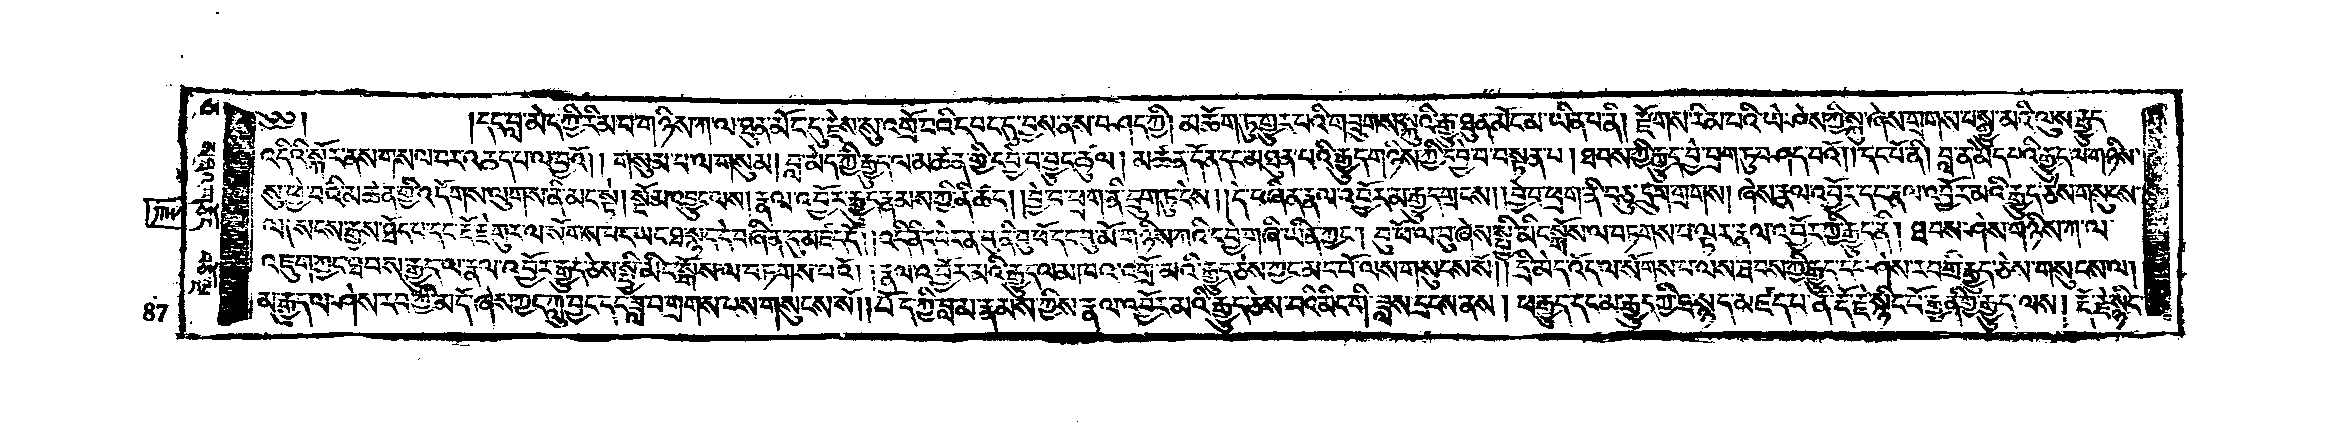༄༅། །དང་བླ་མེད་ཀྱི་རིམ་པ་གཉིས་ཀ་ལ་ཐུན་མོང་དུ་རྗེས་སུ་འགྲོ་བའི་དབང་དུ་བྱས་ནས་བཤད་ཀྱི། མཆོག་ཏུ་གྱུར་པའི་གཟུགས་སྐུའི་རྒྱུ་ཐུན་མོང་མ་ཡིན་པ་ནི། རྫོགས་རིམ་པའི་ཡེ་ཤེས་ཀྱི་སྐུ་ཞེས་གྲགས་པ་སྒྱུ་མའི་ལུས་རྒྱུད་
འདིའི་སྐོར་ནས་གསལ་བར་འཆད་པ་ལ་བྱའོ། །གསུམ་པ་ལ་གསུམ། བླ་མེད་ཀྱི་རྒྱུད་ལ་མཚན་གྱི་དབྱེ་བ་བྱུང་ཚུལ། མཚན་དོན་དང་མཐུན་པའི་རྒྱུད་གཉིས་ཀྱི་དབྱེ་བ་བསྟན་པ། ཐབས་ཀྱི་རྒྱུད་བྱེ་བྲག་ཏུ་བཤད་པའོ། །དང་པོ་ནི། བླ་ན་མེད་པའི་རྒྱུད་ལ་གཉིས་
སུ་ཕྱེ་བའི་མཚན་གྱི་འདོགས་ལུགས་ནི་མང་སྟེ། སྡོམ་འབྱུང་ལས། རྣལ་འབྱོར་རྒྱུད་རྣམས་ཀྱི་ནི་ཚད། །བྱེ་བ་ཕྲག་ནི་དྲུག་ཏུ་ངེས། །དེ་བཞིན་རྣལ་འབྱོར་མ་རྒྱུད་གྲངས། །བྱེ་བ་ཕྲག་ནི་བཅུ་དྲུག་གྲགས། ཞེས་རྣལ་འབྱོར་དང་རྣལ་འབྱོར་མའི་རྒྱུད་ཅེས་གསུངས་
ལ། སངས་རྒྱས་ཐོད་པ་དང་རྡོ་རྗེ་གུར་ལ་སོགས་པར་ཡང་ཐ་སྙད་དེ་བཞིན་དུ་མཛད་དོ། །འདི་ནི་དཔེར་ན་བུ་ནི་བུ་ཕོ་དང་བུ་མོ་གཉིས་ཀའི་དབྱེ་གཞི་ཡིན་ཀྱང་། བུ་ཕོ་ལ་བུ་ཞེས་སྤྱི་མིང་སྒོས་ལ་བཏགས་པ་ལྟར་རྣལ་འབྱོར་གྱི་རྒྱུད་ནི། ཐབས་ཤེས་གཉིས་ཀ་ལ་
འཇུག་ཀྱང་ཐབས་རྒྱུད་ལ་རྣལ་འབྱོར་རྒྱུད་ཅེས་སྤྱི་མིང་སྒོས་ལ་བཏགས་པའོ། །རྣལ་འབྱོར་མའི་རྒྱུད་ལ་མཁའ་འགྲོ་མའི་རྒྱུད་ཅེས་ཀྱང་མང་པོ་ལས་གསུངས་སོ། །དྲི་མེད་འོད་ལ་སོགས་པ་ལས་ཐབས་ཀྱི་རྒྱུད་དང་ཤེས་རབ་ཀྱི་རྒྱུད་ཅེས་གསུངས་ལ།
མ་རྒྱུད་ལ་ཤེས་རབ་ཀྱི་མདོ་ཞེས་ཀྱང་ཀླུ་བྱང་དང་ཟླ་བ་གྲགས་པས་གསུངས་སོ། །བོད་ཀྱི་བླ་མ་རྣམས་ཀྱིས་རྣལ་འབྱོར་མའི་རྒྱུད་ཅེས་པའི་མིང་གི་ཟླས་དྲངས་ནས། ཕ་རྒྱུད་དང་མ་རྒྱུད་ཀྱི་ཐ་སྙད་མཛད་པ་ནི་རྡོ་རྗེ་སྙིང་པོ་རྒྱན་གྱི་རྒྱུད་ལས། རྡོ་རྗེ་སྙིང་